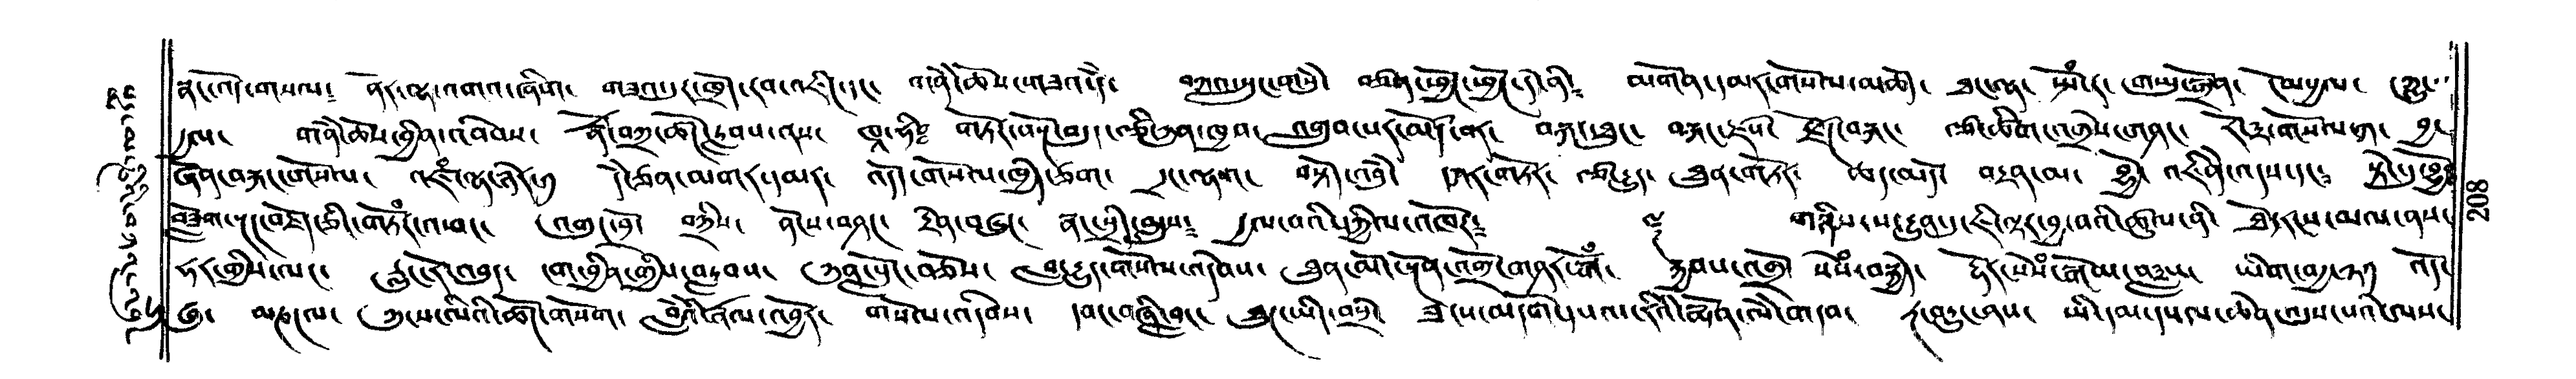སྣང་འོད་གསལ༴ ནོར་ལྷ་འགའ་ཞིག གཟའ། དུར་ཁྲོད་རབ་འཇིགས༴ དང་། གནམ་ཆོས་གཟའ་དམ་གཉིས། བཀའ་སྲུང་གསུམ། བཙན། ཕྱོགས་ཕྱོགས་དེ་ནི༴ མགོན་དམར་གསོལ་མཆོད། ཐང་ལྷ། སྤོམ་ར། གཡུ་སྒྲོན། ངོམ་རྒྱལ། ཀླུ་
རྒྱལ། གནམ་ཆོས་བྱིན་འབེབས། རྣོ་བཀྲ་ཚོགས་རླབས་ནས། ཁཱ་ཧི༔ གཏོར་བསྔོ་བདུད་རྩི་ཀུན་ཁྱབ། འགྲུབ་པར་མཛོད༴ བར། བསྐང་ཐུང་། བསྐང་རྫས། རྫོགས་བསྐང་། རྩ་ཚིག་འགྲེས་བཤགས། རོ་ཟ་གསོལ་ཀ བྱ་
བཞོན་བསྐང་གསོལ། འཛམ་ལྷ་ཉེར་གཅིག དམ་ཅན་མགར་དམར། འདོད་གསོལ། ཁྱེད་ཅག༴ དྲང་ལྷག བསྟོད་འབུམ། དཀར་གཏོར། རྩ་རྒྱུད། ཐུན་གཏོར། ཆད་མདོ། བརྟན་མ། བྷྱོ༔ འཇིག་རྟེན་འདས་དང༴ སྟེང་དུ་བྷྱོ༔ 
ཟློག་སྔགས་བརྗོད་ཅིང་གཏོར་མ་འཕང་། འགུགས་བྲོ། བཀྲ་ཤིས། ནོངས་བཤགས། རྟེན་བཞུགས། སྣང་སྲིད་མ་ལུས༴ རྒྱལ་བའི་དཀྱིལ་འཁོར༴ ༈ གཉིས་པ་རྒྱུན་དུ་ཇི་ལྟར་བྱ་བའི་ཚུལ་ནི། ཐོ་རངས་མལ་ནས་
ཧར་གྱིས་ལང་། རླུང་རོ་འབུད། ངག་བྱིན་གྱིས་བརླབ། ཀུན་སློང་བཅོ། བླ་རྒྱུད་གསོལ་འདེབས། ཐུན་མོང་སྔོན་འགྲོ་གཤར་སྒོམ། སྐྱབས་འགྲོ། སེམས་བསྐྱེད། རྡོར་སེམས་སྒོམ་བཟླས། ཡིག་བརྒྱ་ཉེར་གཅིག འོད་
ཞུ། མཎྜལ། ཀུས་ལིའི་ཚོགས་གསོག བླ་མའི་རྣལ་འབྱོར། གསོལ་འདེབས། དབང་བཞི་བླང་། ཐུགས་ཡིད་བསྲེ། ཟངས་མདོག་དཔལ་རིའི་སྨོན་ལམ་གདབ། རྔ་བརྡུངས་ནས་ཡི་དམ་དཔལ་ཆེན་འདུས་པའི་ལས་